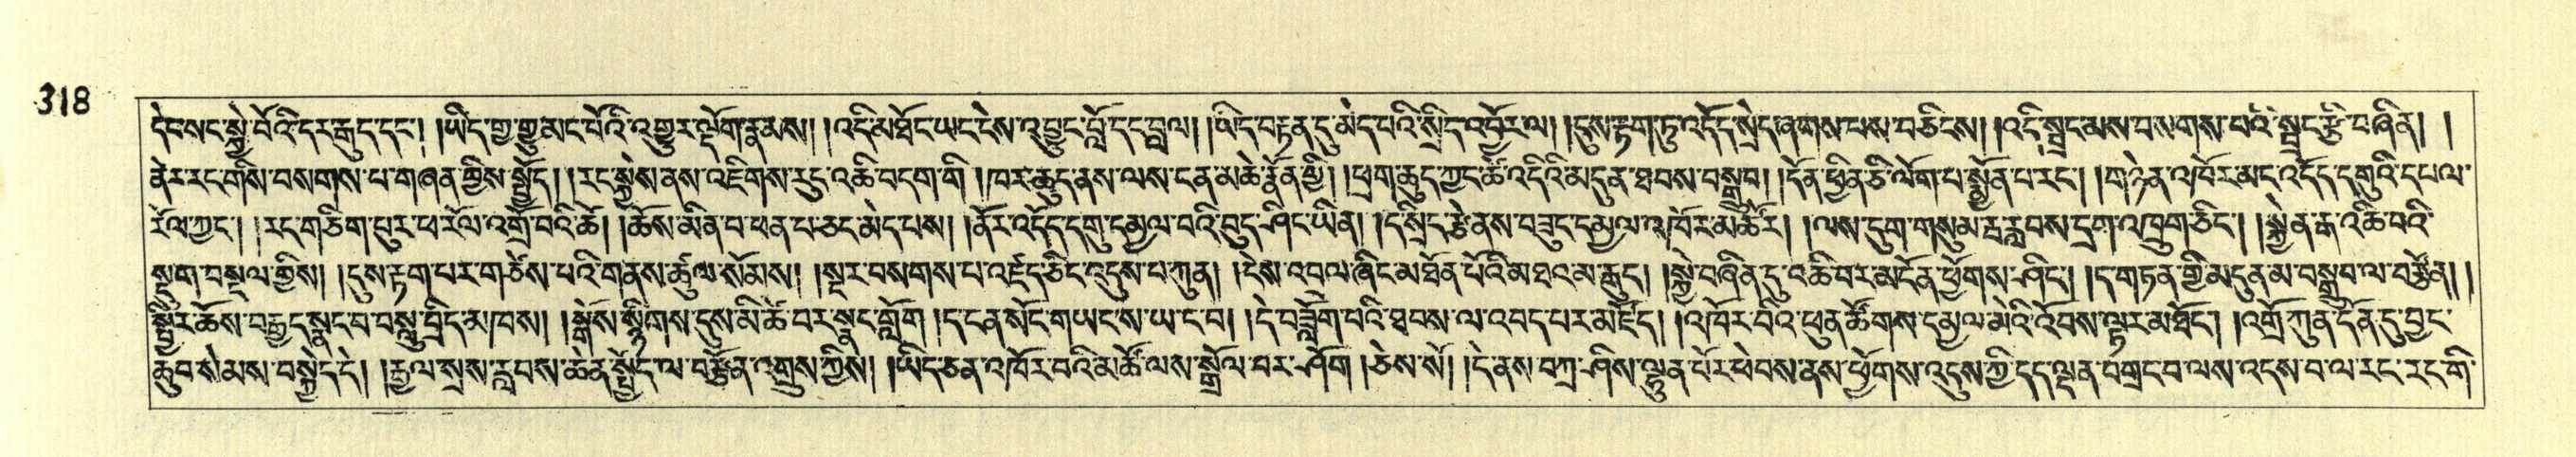དེང་སང་སྐྱེ་བོའི་དར་རྒུད་དང་། །ཡིད་གྱ་གྱུ་མང་པོའི་འགྱུར་ལྡོག་རྣམས། །འདི་མཐོང་ཡང་ངེས་འབྱུང་བློ་དང་བླལ། །ཡིད་བརྟན་དུ་མེད་པའི་སྲིད་འབྱོར་ལ། །དུས་རྟག་ཏུ་འདོད་སྲེད་ཞགས་པས་བཅིངས། །འདི་སྦྲང་མས་བསགས་པའི་སྦྲང་རྩི་བཞིན། །
ནེར་རང་གིས་བསགས་པ་གཞན་གྱིས་སྤྱོད། །རང་སྐྱེས་ནས་འཇིགས་རུང་འཆི་བདག་གི །ཁར་ཆུད་ནས་ལས་ངན་མཆེ་རྣོན་གྱི། །ཕྲག་ཆུད་ཀྱང་ཚེ་འདིའི་མདུན་ཐབས་བསྒྲུབ། །དོན་ཕྱིན་ཅི་ལོག་པ་སྨྱོན་པ་རང་། །གཉེན་འཁོར་མང་འདོད་དགུའི་དཔལ་
རོལ་ཀྱང་། །རང་གཅིག་པུར་ཕ་རོལ་འགྲོ་བའི་ཚེ། །ཆོས་མིན་བ་ཕན་པ་ཅང་མེད་པས། །ནོར་འདོད་དགུ་དམྱལ་བའི་བུད་ཤིང་ཡིན། །ད་སྲིད་རྩེ་ནས་བཟུང་དམྱལ་འཁོར་མཚོར། །ལས་དུག་གསུམ་རྦ་རླབས་དྲག་འཁྲུག་ཅིང་། །སྐྱེན་རྒ་འཆི་བའི་
སྡུག་བསྔལ་གྱིས། །དུས་རྟག་པར་གཙེས་པའི་གནས་ཚུལ་སོམས། །སྔར་བསགས་པ་འཛད་ཅིང་འདུས་པ་ཀུན། །ངེས་འབྲལ་ཞིང་མཐོན་པོའི་མཐའ་མ་རྒུད། །སྐྱེ་བཞིན་དུ་འཆི་བར་མངོན་ཕྱོགས་ཤིང་། །ད་གཏན་གྱི་མདུན་མ་བསྒྲུབ་ལ་བརྩོན། །
སྤྱིར་ཆོས་བརྒྱད་སྣང་བ་བསླུ་བྲིད་མཁས། །སྒོས་སྙིགས་དུས་མི་ཚེ་བར་སྣང་གློག །ད་ངན་སོང་གཡང་ས་ཡ་ང་བ། །དེ་བཟློག་པའི་ཐབས་ལ་འབད་པར་མཛོད། །འཁོར་བའི་ཕུན་ཚོགས་དམྱལ་མེའི་འོབས་ལྟར་མཐོང་། །འགྲོ་ཀུན་དོན་དུ་བྱང་
ཆུབ་སེམས་བསྐྱེད་དེ། །རྒྱལ་སྲས་རླབས་ཆེན་སྤྱོད་ལ་བརྩོན་འགྲུས་ཀྱིས། །ཡིད་ཅན་འཁོར་བའི་མཚོ་ལས་སྒྲོལ་བར་ཤོག །ཅེས་སོ། །དེ་ནས་བཀྲ་ཤིས་ལྷུན་པོར་ཕེབས་ནས་ཕྱོགས་འདུས་ཀྱི་དད་ལྡན་བགྲང་བ་ལས་འདས་པ་ལ་རང་རང་གི་